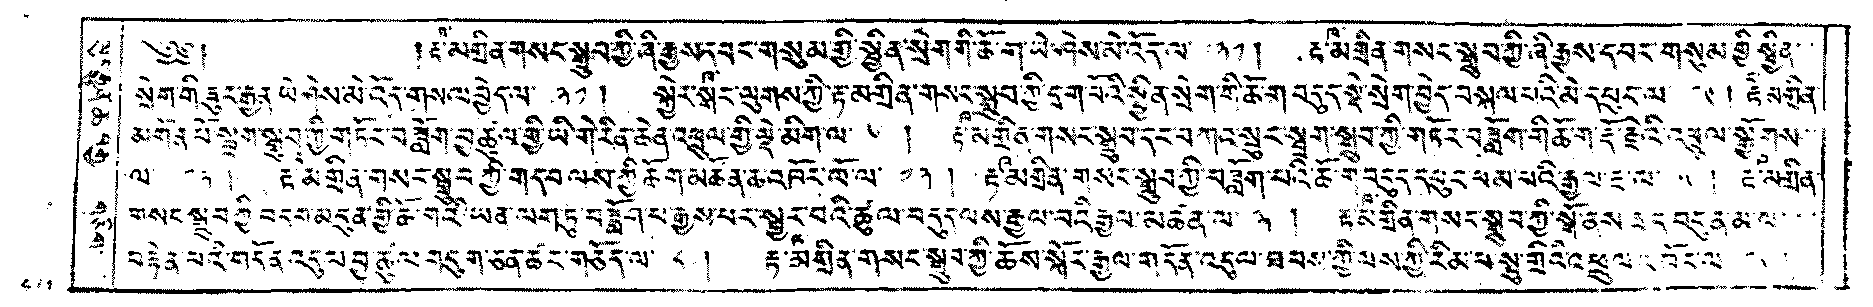༄༅། ། ཀ་རྟ་མགྲིན་གསང་སྒྲུབ་ཀྱི་ཞི་རྒྱས་དབང་གསུམ་གྱི་སྦྱིན་སྲེག་གི་ཆོ་ག་ཡེ་ཤེས་མེ་འོད་ལ ༢༡། ཁ་རྟ་མགྲིན་གསང་སྒྲུབ་ཀྱི་ཞི་རྒྱས་དབང་གསུམ་གྱི་སྦྱིན་
སྲེག་གི་ཟུར་རྒྱན་ཡེ་ཤེས་མེ་འོད་གསལ་བྱེད་ལ ༢༡། སྐྱེར་ཁ་སྒང་ལུགས་ཀྱི་རྟ་མགྲིན་གསང་སྒྲུབ་ཀྱི་དྲག་པོའི་སྦྱིན་སྲེག་གི་ཆོ་ག་བདུད་སྡེ་སྲེག་བྱེད་བསྐལ་པའི་མེ་དཔུང་ལ ༡༤། ཁ་རྟ་མགྲིན་
མགོན་པོ་སྦྲག་སྒྲུབ་ཀྱི་གཏོར་བཟློག་བྱ་ཚུལ་གྱི་ཡི་གེ་རིན་ཆེན་འཕྲུལ་གྱི་ལྡེ་མིག་ལ ༦། ཁ་རྟ་མགྲིན་གསང་སྒྲུབ་དང་བཀའ་སྲུང་སྦྲག་སྒྲུབ་ཀྱི་གཏོར་བཟློག་གི་ཆོ་ག་རྡོ་རྗེའི་འཕྲུལ་སྒྱོགས་
ལ ༤༢། ར་རྟ་མགྲིན་གསང་སྒྲུབ་ཀྱི་གདབ་ལས་ཀྱི་ཆོ་ག་མཚོན་ཆ་འཁོར་ལོ་ལ ༡༢། ཁ་རྟ་མགྲིན་གསང་སྒྲུབ་ཀྱི་བཟློག་པའི་ཆོ་ག་བདུད་དཔུང་ཕམ་པའི་རྒྱལ་རྔ་ལ ༥། ཁ་རྟ་མགྲིན་
གསང་སྒྲུབ་ཀྱི་བདག་མདུན་གྱི་ཆོ་གའི་ཡན་ལག་ཏུ་བཟློག་པ་རྒྱས་པར་སྦྱར་བའི་ཚུལ་བདུད་ལས་རྒྱལ་བའི་རྒྱལ་མཚན་ལ ༣། ཁ་རྟ་མགྲིན་གསང་སྒྲུབ་ཀྱི་སྒོ་ནས་རྦད་བདུན་མ་ལ་
བརྟེན་པའི་གདོན་འདུལ་བྱ་ཚུལ་གདུག་ཅན་ཚར་གཅོད་ལ ༨། ཁ་རྟ་མགྲིན་གསང་སྒྲུབ་ཀྱི་ཆོས་སྐོར་རྒྱལ་གདོན་འདུལ་ཐབས་ཀྱི་ལས་ཀྱི་རིམ་པ་སྤུ་གྲིའི་འཕྲུལ་འཁོར་ལ ༡༤།